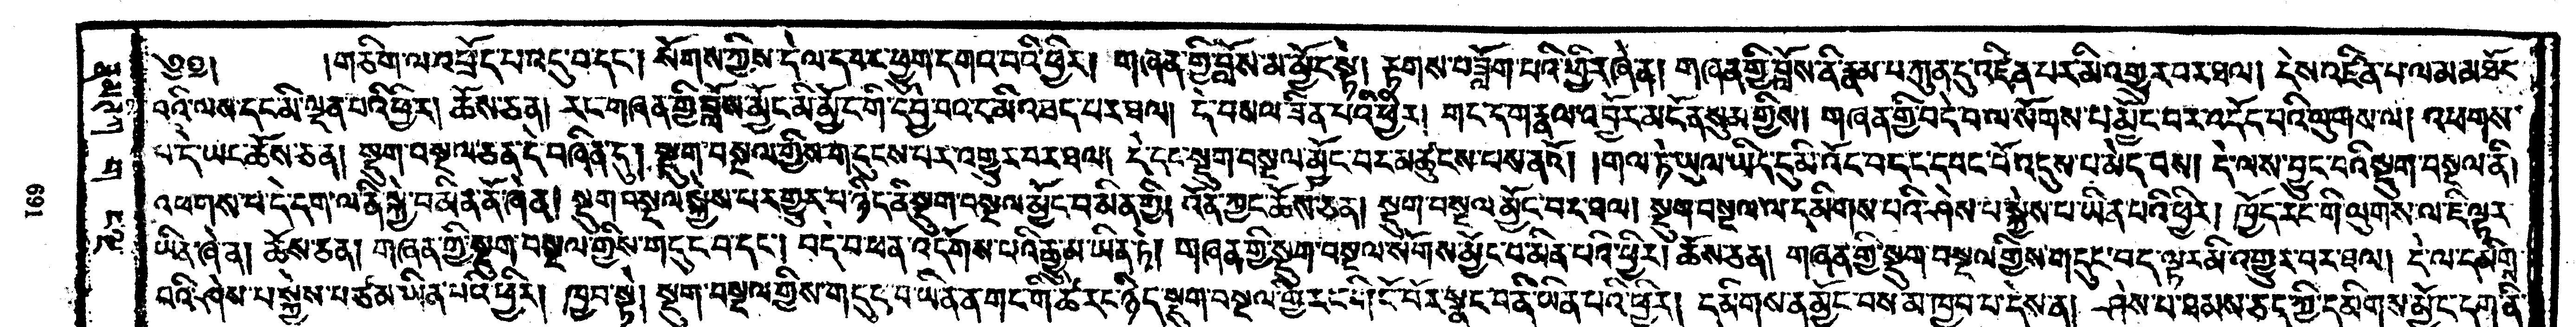༄༅། །གཅིག་ལ་འཕྲོད་པ་འདུ་བ་དང་། སོགས་ཀྱིས་དེ་ལ་དབང་ཕྱུག་དགའ་བའི་ཕྱིར། གཞན་གྱི་བློས་མ་མྱོང་སྟེ། རྟགས་བཟློག་པའི་ཕྱིར་ཞེ་ན། གཞན་གྱི་བློས་ནི་རྣམ་པ་ཀུན་དུ་འཛིན་པར་མི་འགྱུར་བར་ཐལ། དེས་འཛིན་པ་ལམ་མཐོང་
བའི་ལས་དང་མི་ལྡན་པའི་ཕྱིར། ཆོས་ཅན། རང་གཞན་གྱི་བློས་མྱོང་མི་མྱོང་གི་དབྱེ་བའང་མི་འཐད་པར་ཐལ། དེ་བསལ་ཟིན་པའི་ཕྱིར། གང་དག་རྣལ་འབྱོར་མངོན་སུམ་གྱིས། གཞན་གྱི་བདེ་བ་ལ་སོགས་པ་མྱོང་བར་འདོད་བའི་ལུགས་ལ། འཕགས་
པ་དེ་ཡང་ཆོས་ཅན། སྡུག་བསྔལ་ཅན་དེ་བཞིན་དུ། སྡུག་བསྔལ་གྱིས་གདུངས་པར་འགྱུར་བར་ཐལ། དེ་དང་སྡུག་བསྔལ་མྱོང་བར་མཚུངས་པས་ནའོ། །གལ་ཏེ་ཡུལ་ཡིད་དུ་མི་འོང་བ་དང་དབང་པོ་འདུས་པ་མེད་བས། དེ་ལས་བྱུང་བའི་སྡུག་བསྔལ་ནི།
འཕགས་པ་དེ་དག་ལ་ནི་སྐྱེ་བ་མིན་ནོ་ཞེ་ན། སྡུག་བསྔལ་སྐྱེས་པར་གྱུར་པ་ཉིད་ནི་སྡུག་བསྔལ་མྱོང་བ་མིན་གྱི། འོན་ཀྱང་ཆོས་ཅན། སྡུག་བསྔལ་མྱོང་བར་ཐལ། སྡུག་བསྔལ་ལ་དམིགས་པའི་ཤེས་པ་སྐྱེས་པ་ཡིན་པའི་ཕྱིར། ཁྱོད་རང་གི་ལུགས་ལ་ཇི་ལྟར་
ཡིན་ཞེ་ན། ཆོས་ཅན། གཞན་གྱི་སྡུག་བསྔལ་གྱིས་གདུང་བ་དང་། བདེ་བ་ཕན་འདོགས་པའི་རྒྱུ་མ་ཡིན་ཏེ། གཞན་གྱི་སྡུག་བསྔལ་སོགས་མྱོང་བ་མིན་པའི་ཕྱིར། ཆོས་ཅན། གཞན་གྱི་སྡུག་བསྔལ་གྱིས་གདུང་བ་ད་ལྟར་མི་འགྱུར་བར་ཐལ། དེ་ལ་དམིགས་
བའི་ཤེས་པ་སྐྱེས་པ་ཙམ་ཡིན་པའི་ཕྱིར། ཁྱབ་སྟེ། སྡུག་བསྔལ་གྱིས་གདུང་བ་ཡིན་ན་གང་གི་ཚེ་རང་ཉིད་སྡུག་བསྔལ་གྱི་རང་གི་ངོ་བོར་སྣང་བ་ནི་ཡིན་པའི་ཕྱིར། དམིགས་ན་མྱོང་བས་མ་ཁྱབ་པ་དེས་ན། ཤེས་པ་ཐམས་ཅད་ཀྱི་དམིགས་མྱོང་དག་ནི་